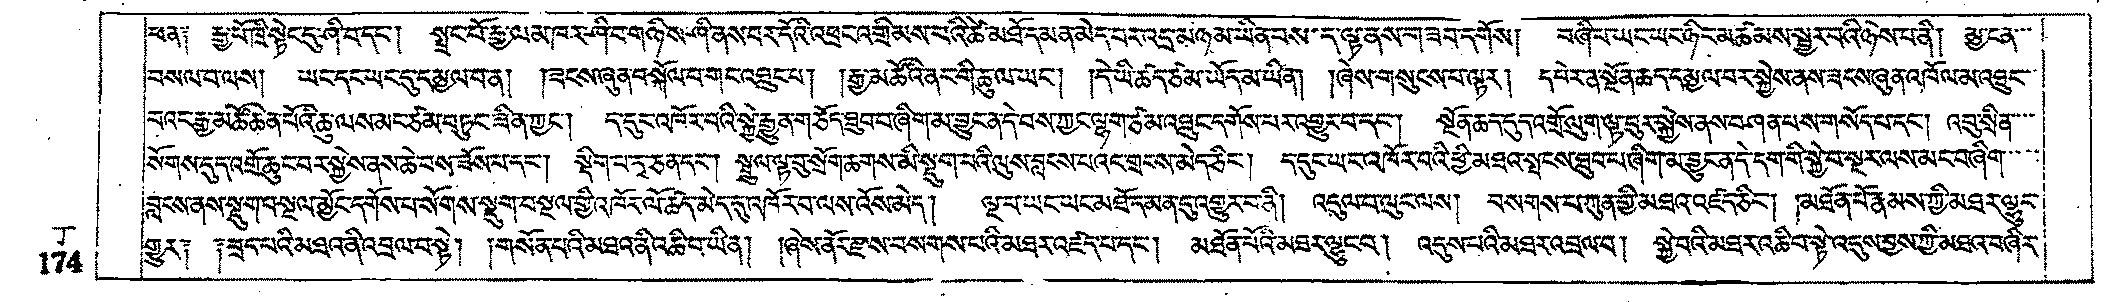ཕན༑ རྒྱ་པོ་ཁྲི་སྟེང་དུ་ཤི་བ་དང་། སྤྲང་པོ་རྒྱ་ལམ་ཁར་ཤི་བ་གཉིས་ཤི་ནས་བར་དོའི་འཕྲང་འགྲིམས་པའི་ཚེ་མཐོ་དམན་མེད་པར་འདྲ་མཉམ་ཡིན་པས་ད་ལྟ་ནས་གཟབ་དགོས། བཞི་པ་ཡང་ཡང་ཉིང་མཚམས་སྦྱར་བའི་ཉེས་པ་ནི། མྱ་ངན་་་
བསལ་བ་ལས། ཡང་དང་ཡང་དུ་དམྱལ་བ་ན། །ཟངས་ཞུན་བསྐོལ་བ་གང་འཐུང་པ། །རྒྱ་མཚོའི་ནང་གི་ཆུ་ལ་ཡང་། །དེ་ཡི་ཚད་ཙམ་ཡོད་མ་ཡིན། །ཞེས་གསུངས་པ་ལྟར། དཔེར་ན་སྔོན་ཆད་དམྱལ་བར་སྐྱེས་ནས་ཟངས་ཞུན་འཁོལ་མ་འཐུང་་་
བའང་རྒྱ་མཚོ་ཆེན་པོའི་ཆུ་ལས་མང་ཙམ་བཏུང་ཟིན་ཀྱང་། ད་དུང་འཁོར་བའི་སྐྱེ་རྒྱུན་གཅོད་ཐུབ་པ་ཞིག་མ་བྱུང་ན་དེ་བས་ཀྱང་ལྷག་ཙམ་འཐུང་དགོས་པ་འགྱུར་བ་དང་། སྔོན་ཆད་དུད་འགྲོ་ལུག་ལྟ་བུར་སྐྱེས་ནས་བཤན་པས་གསོད་པ་དང་། འབུ་སྲིན་་་
སོགས་དུད་འགྲོ་ཆུང་བར་སྐྱེས་ནས་ཆེ་བས་ཟོས་པ་དང་། སྡིག་པ་རྭ་ཅན་དང་། སྦྲུལ་ལྟ་བུ་སྲོག་ཆགས་མི་སྡུག་པའི་ལུས་བླངས་པའང་གྲངས་མེད་ཅིང་། ད་དུང་ཡང་འཁོར་བའི་ཕྱི་མཐའ་སྤངས་ཐུབ་པ་ཞིག་མ་བྱུང་ན་དེ་དག་གི་སྐྱེ་བ་སྔར་ལས་མང་བ་ཞིག་་་
བླངས་ནས་སྡུག་བསྔལ་མྱོང་དགོས་པ་སོགས་སྡུག་བསྔལ་གྱི་འཁོར་ལོ་ཚད་མེད་དུ་འཁྲོ་བ་ལས་འོས་མེད། ལྔ་པ་ཡང་ཡང་མཐོ་དམན་དུ་འགྱུར་བ་ནི། འདུལ་བ་ལུང་ལས། བསགས་པ་ཀུན་གྱི་མཐའ་འཛད་ཅིང་། །མཐོན་པོ་རྣམས་ཀྱི་མཐར་ལྷུང་
གྱུར༑ ༑ཕྲད་པའི་མཐའ་ནི་འབྲལ་བ་སྟེ། །གསོན་པའི་མཐའ་ནི་འཆི་བ་ཡིན། །ཞེས་ནོར་རྫས་བསགས་པའི་མཐར་འཛད་པ་དང་། མཐོན་པོའི་མཐར་ལྷུང་བ། འདུས་པའི་མཐར་འབྲལ་བ། སྐྱེ་བའི་མཐར་འཆི་བ་སྟེ་འདུས་བྱས་ཀྱི་མཐའ་བཞིར་